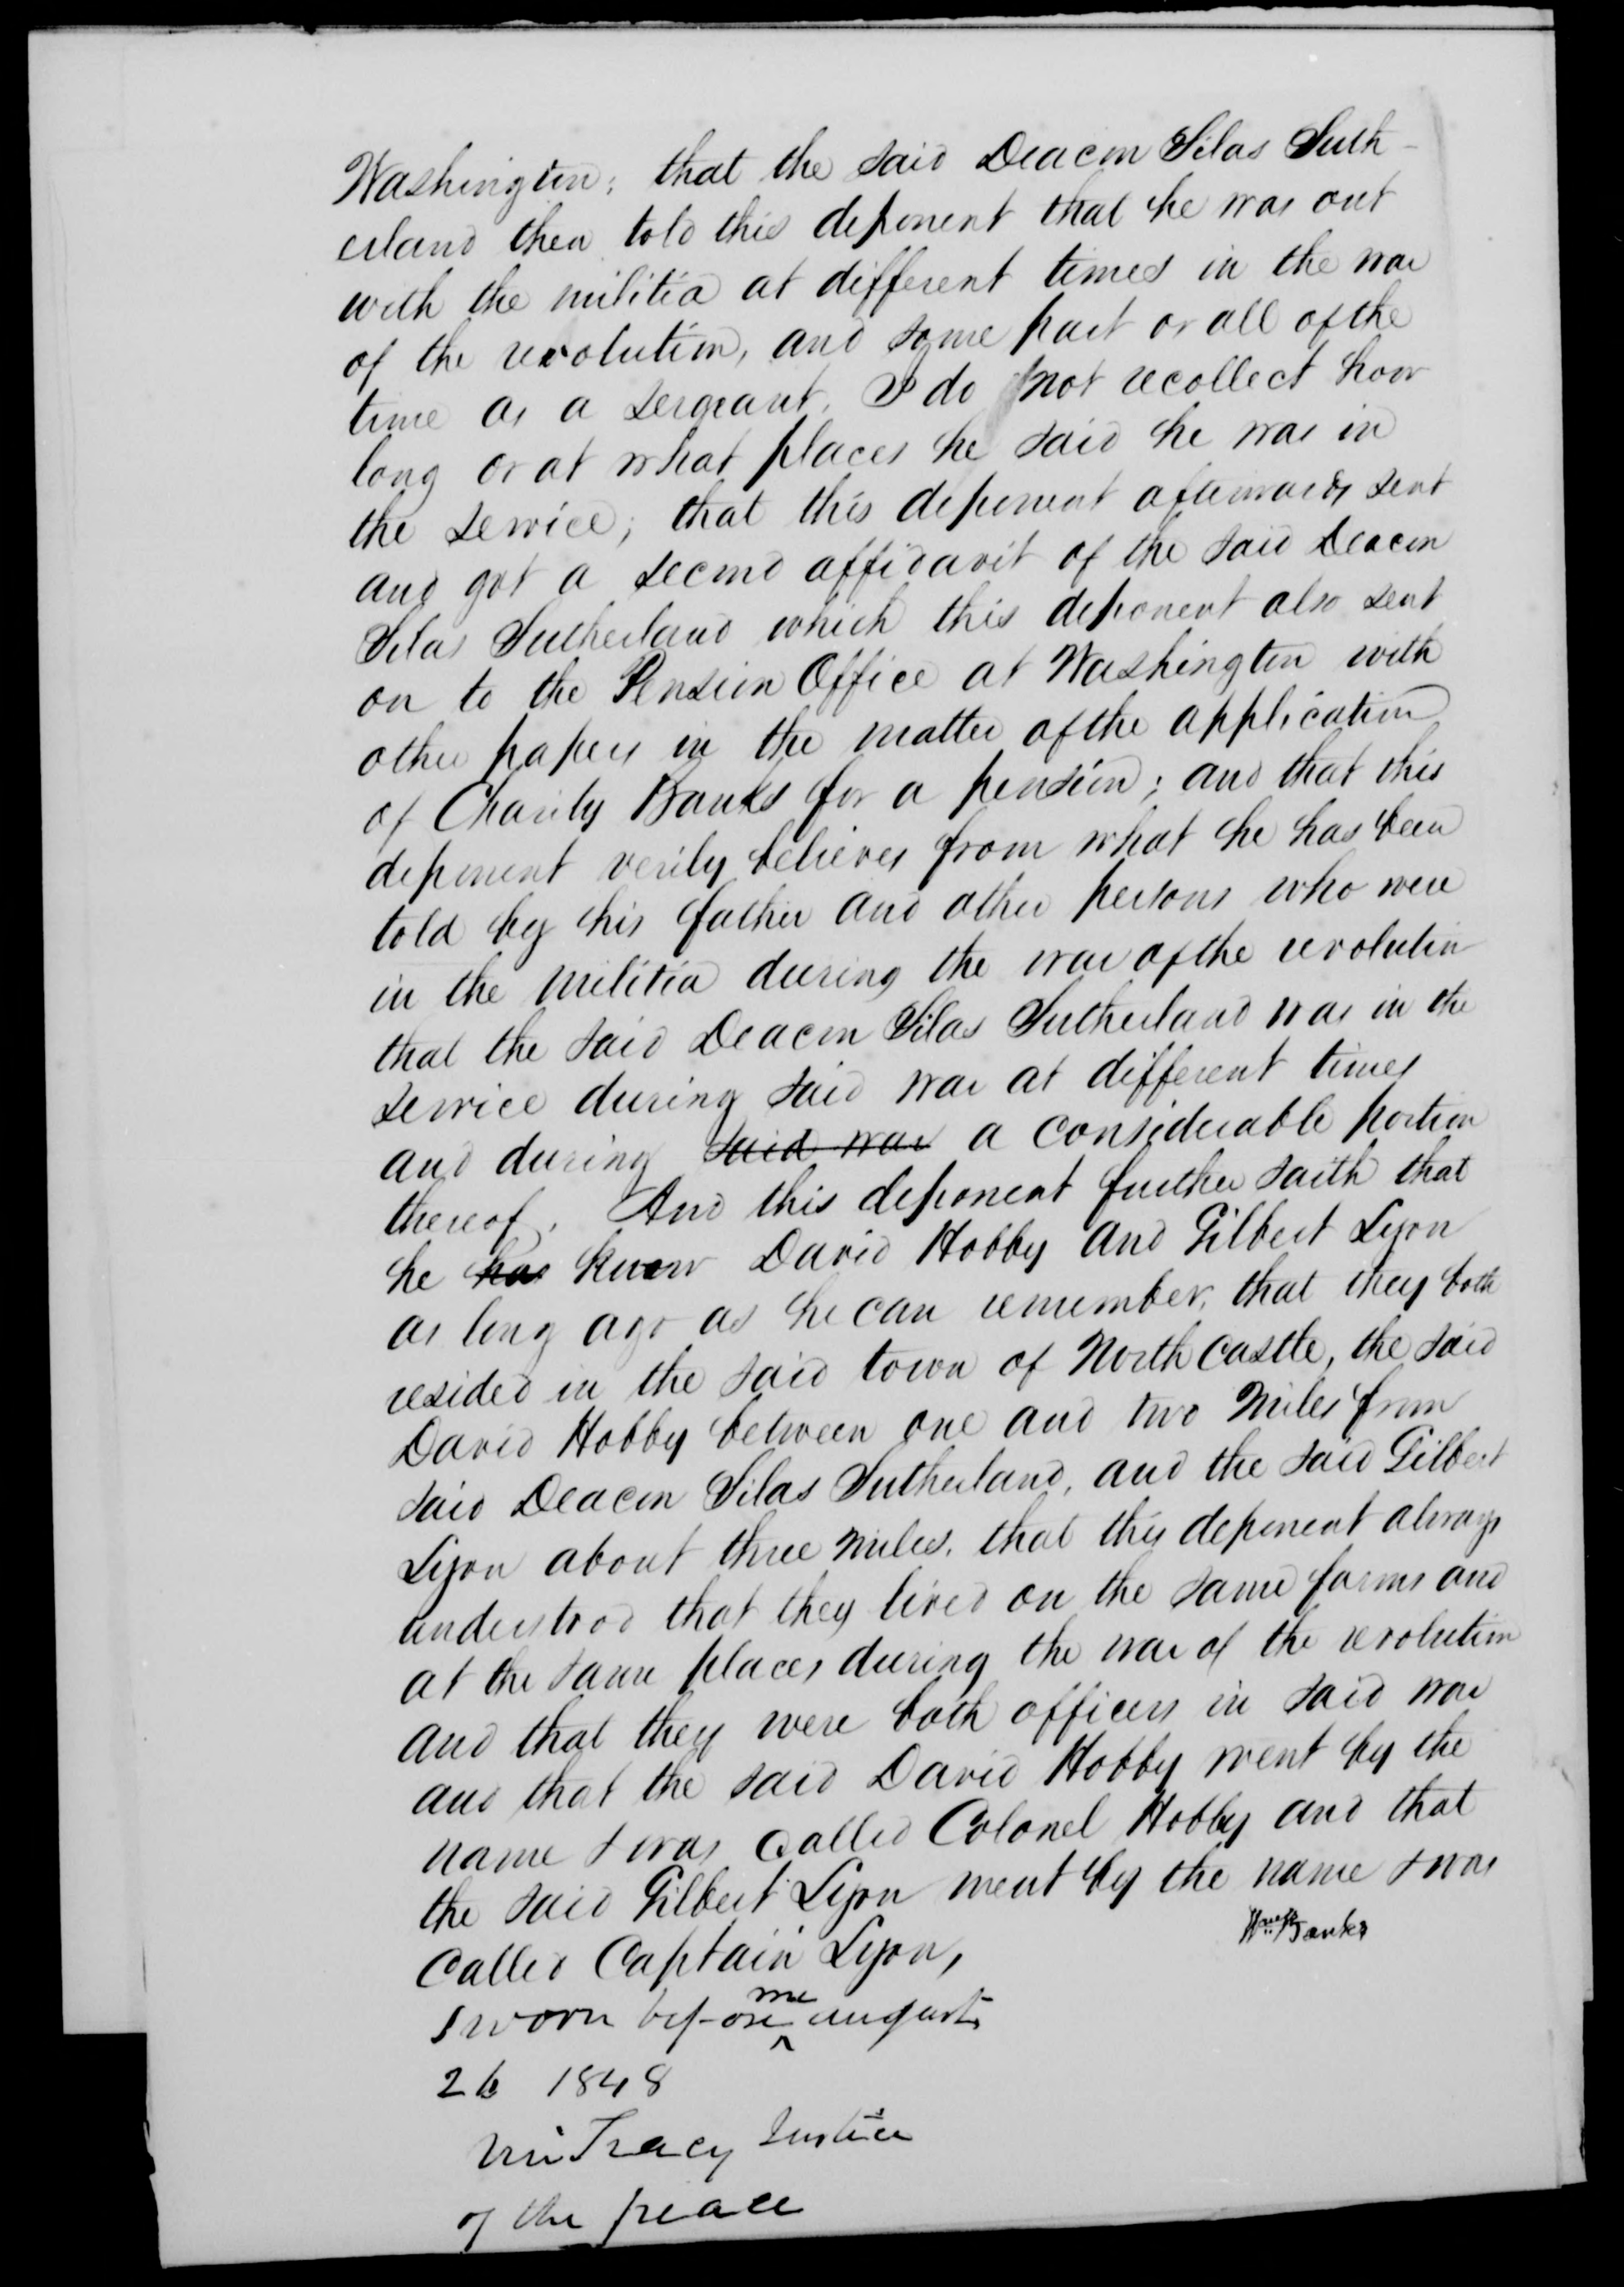Washington; that the said Deacon Silas Sutherland then told this deponent that he was out with the militia at different times in the war of the revolution, and some past or all of the time as a sergeant.  I do not recollect how long or at what places he said he was in the service; that this deponent afterwards sent and got a second affidavit of the said Deacon Silas Sutherland which this deponent also sent on to the Pension Office at Washington with other papers in the matter of the application of Charity Banks for a pension; and that this deponent verily believes from what he has been told by his father and other persons who were in the militia during the war of the revolution that the said Deacon Silas Sutherland was in the service during said war at different times and during [crossed out: said war] a considerable portion thereof, And this deponent further saith that he [crossed out: has] knew David Hobby and Gilbert Lyon as long ago as he can remember, that they both resided in the said town of North Castle, the said David Hobby between one and two miles from said Deacon Silas Sutherland, and the said Gilbert Lyon about three miles, that this deponent always understood that they lived on the same farms and at the same places during the war of the revolution and that they were both officers in said war and that the said David Hobby went by the name and was called Colonel Hobby and that the said Gilbert Lyon went by the name and was called Captain Lyon.  

Wm Banks

Sworn by me on August 26 1848

Uri Tracy Justice of the Peace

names: [BLANK] Hobby; Silas Sutherland; [BLANK] Lyon; David Hobby; David Hobby; David Hobby; Gilbert Lyon; Silas Sutherland; Silas Sutherland; Gilbert Lyon; Silas Sutherland; Gilbert Lyon; Wm Banks; Charity Banks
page: 23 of 77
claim: survivor's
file: S. 23003, for Silas Southerland, New York